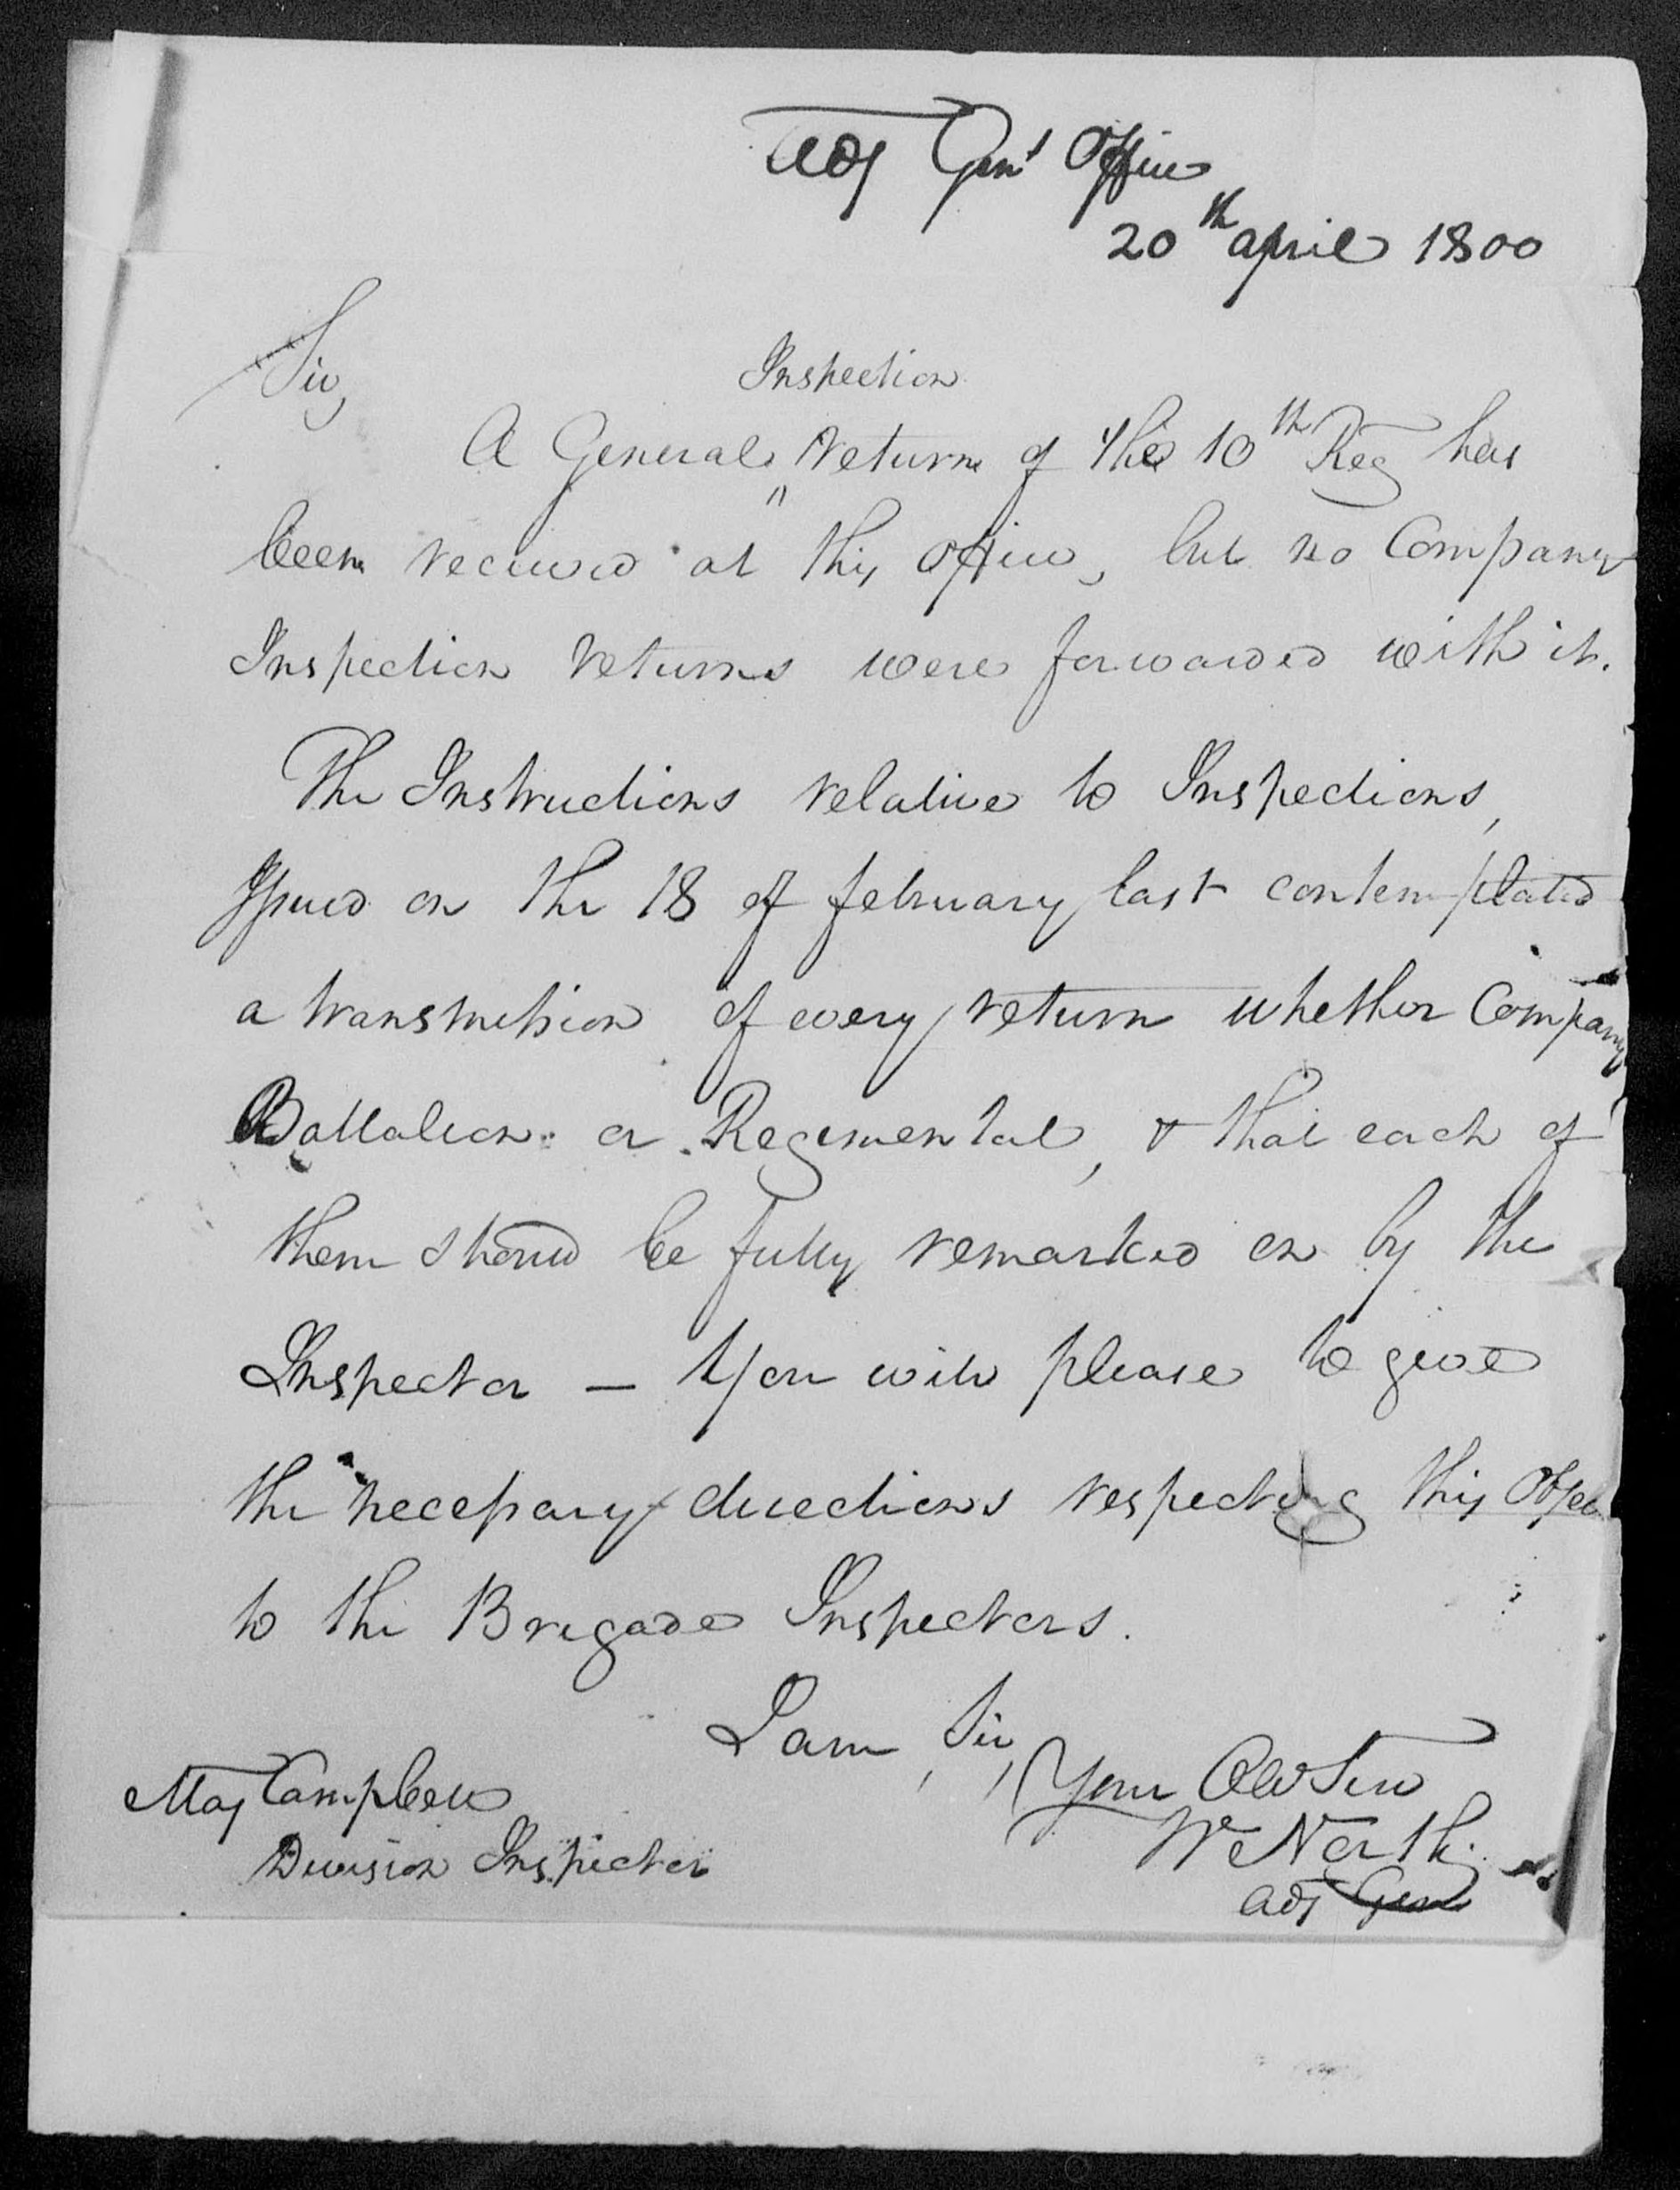adj Genl Office 
20th April 1800

Sir,
A General [insert] Inspection [end insert] Return of the 10th Reg. has been received at the office, but no Company Inspection Returns were forwarded with it.
The Instructions relative to Inspections, issued on the 18 of February last contemplates a transmission of every return whether Company, 
Battalion or Regimental, +[and] that each of them should be fully remarked on by the Inspector ___  You will please to give the necessary directions respecting this object to the Brigade Inspectors.
I am, Sir, Your Obe Serv
W North
adj Gen


Maj Campbell
Division Inspector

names: Campbell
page: 71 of 267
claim: widow's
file: W. 4,149, William Campbell, Va.